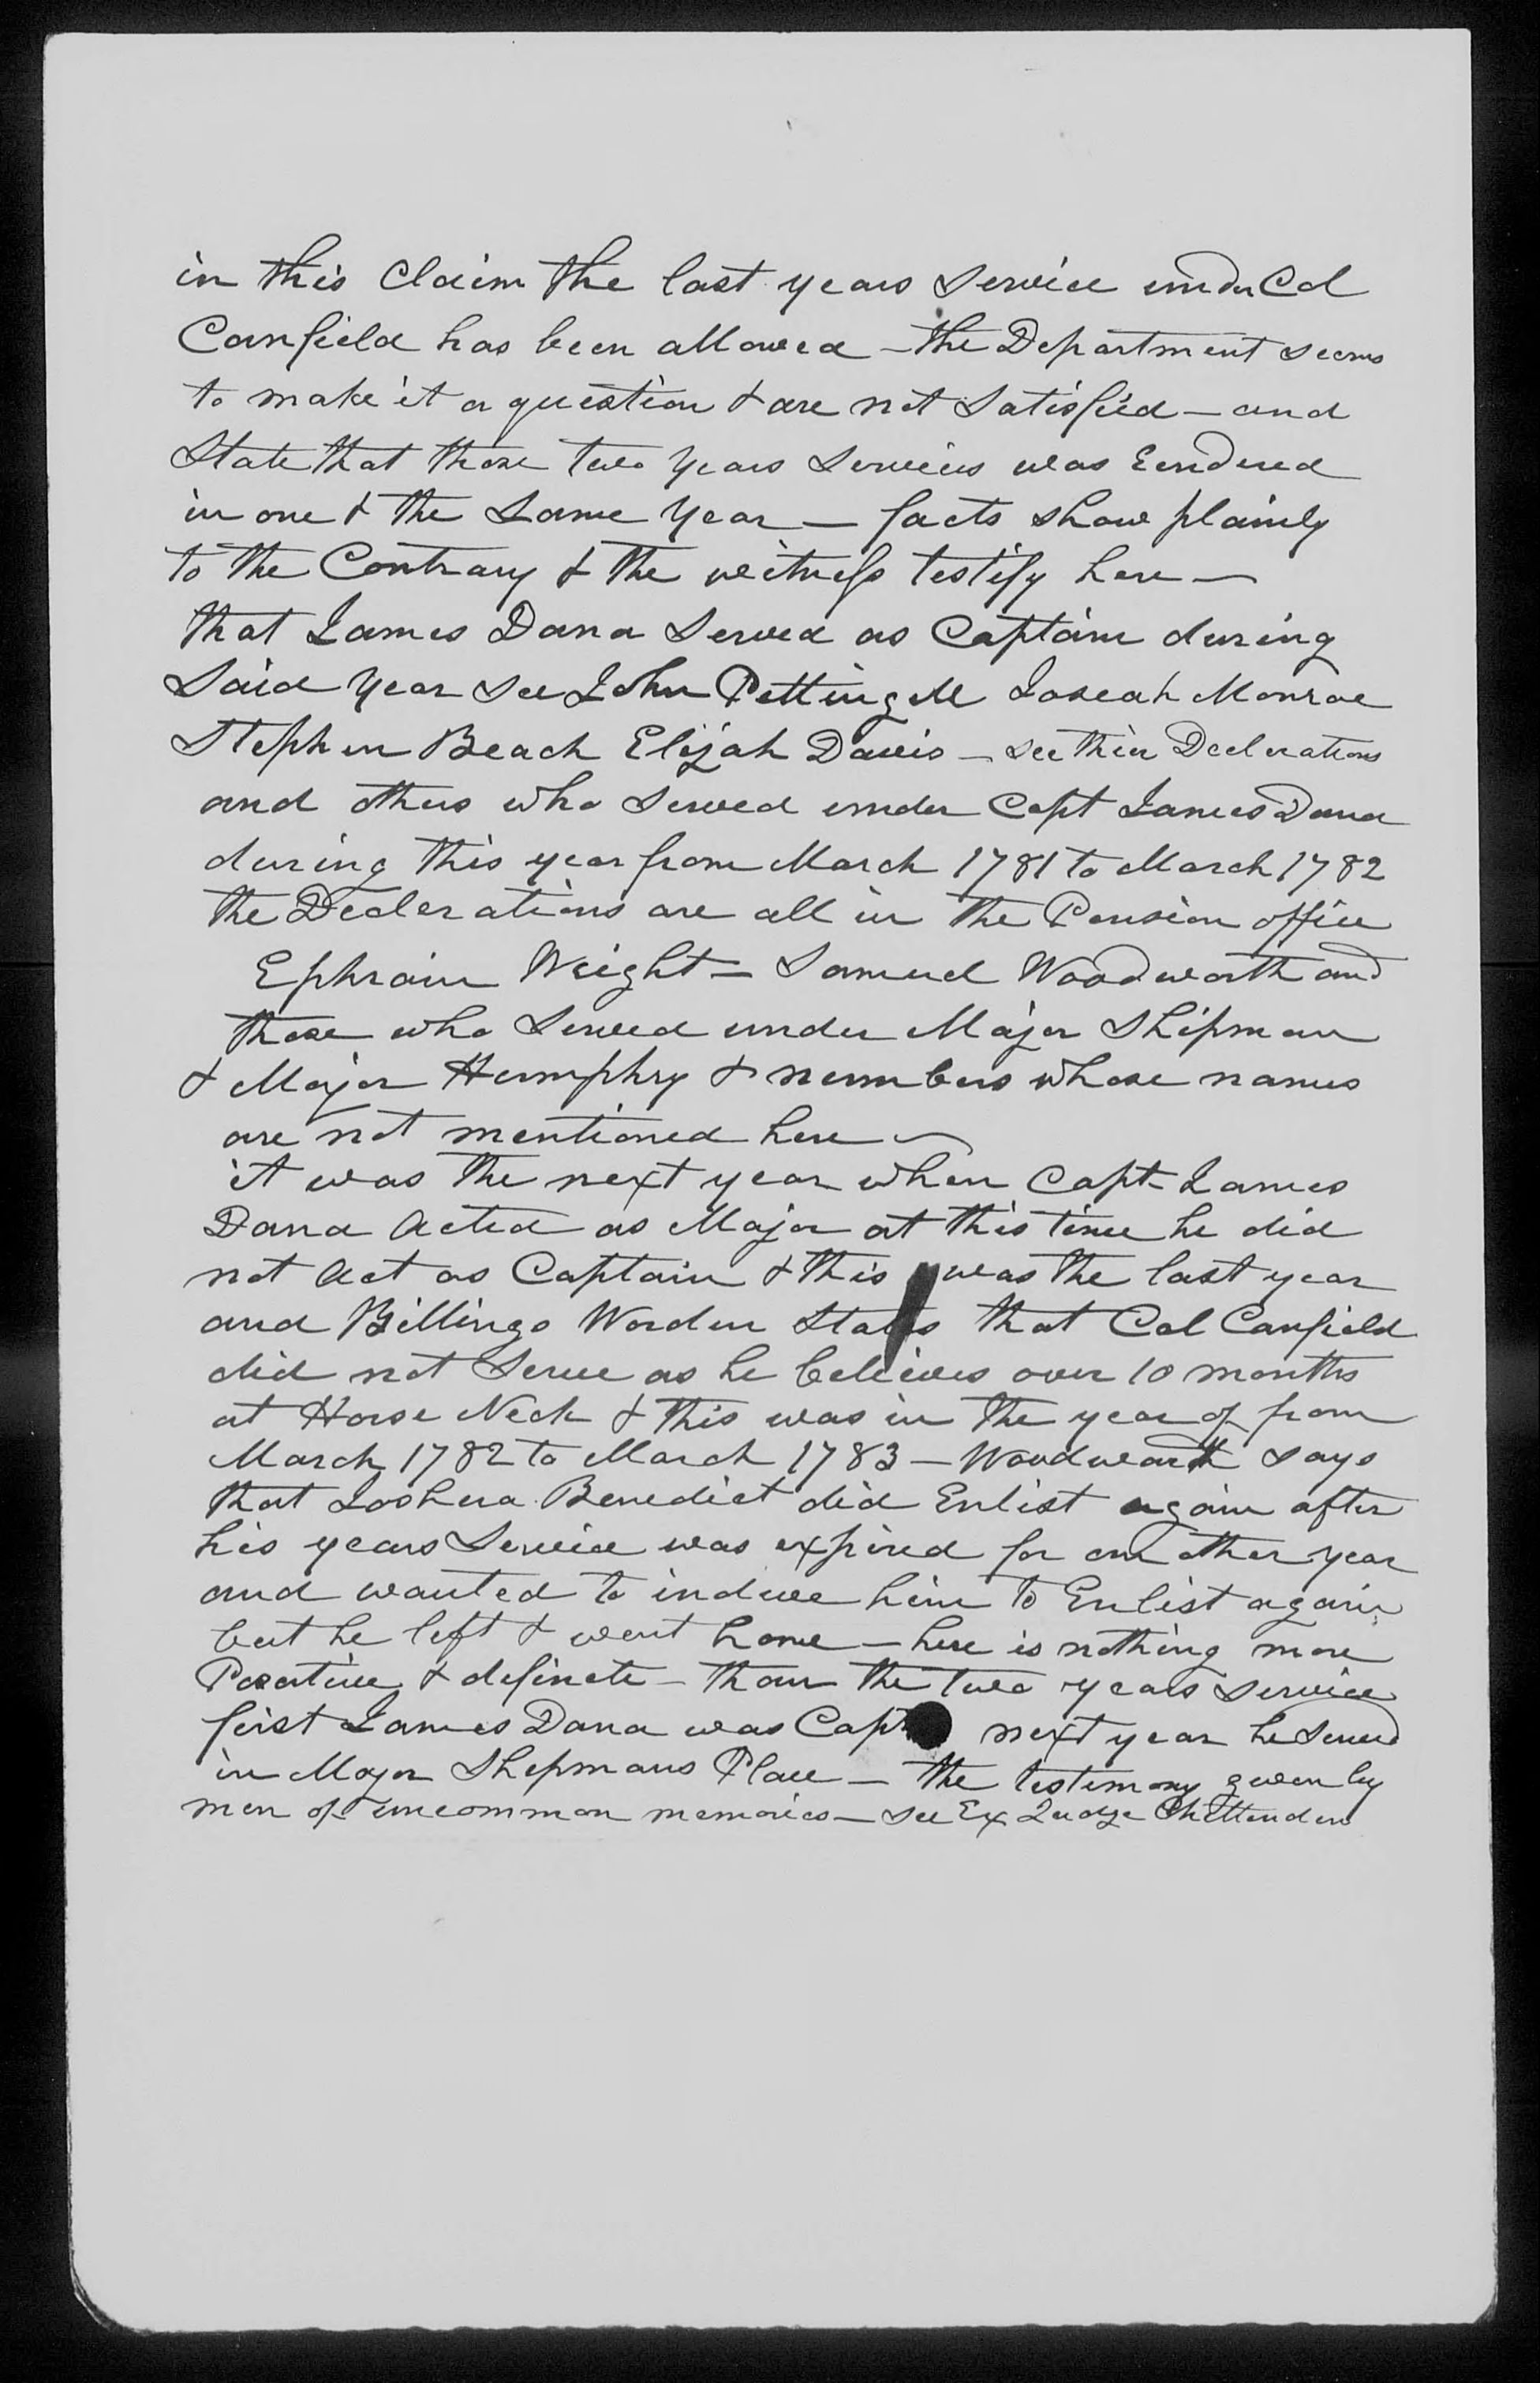in this Claim the last years service under Col Canfield has been allowed - the Department seems to make it a question & are not satisfied - and State that those two years services was rendered in one & the same year - facts show plainly to the Contrary & the witness testify here - that James Dana served as Captain during said year see John Pettingell Josiah Monroe Stephen Beach Elijah Davis - see their Declarations and others who served under Capt James Dana during this year from March 1781 to March 1782 the Declarations are all in the Pension office Ephraim Weight - Samuel Woodworth and those who served under Major Shipman & Major Humphry [Humphreys] & numbers whose names are not mentioned here ~
it was the next year when Capt. James Dana acted as Major at this time he did not act as Captain & this was the last year and Billings Worden States that Col Canfield did not serve as he believes over 10 months at Horse Neck & this was in the year of from March 1782 to March 1783 - Woodworth says that Joshua Benedict did Enlist again after his years service was expired for an other year and wanted to induce him to Enlist again but he left & went home - there is nothing more [illegible] & definite than the two years service first James Dana was Capt next year he served in Major Shipmans Place - the testimony given by men of uncommon memories - see Ex Judge Chittenden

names: Samuel Woodworth, Shipman, Ephrain Weight, James Dana, Canfield, Joshua Benedict, Canfield, James Dana, Shipman, Joseah Monroe, James Dana, Elijah Davis, John Pettingell, Stephen Beach, Humphry, James Dana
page: 68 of 106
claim: survivor's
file: S 23,116., Joshua Benedict, Conn.